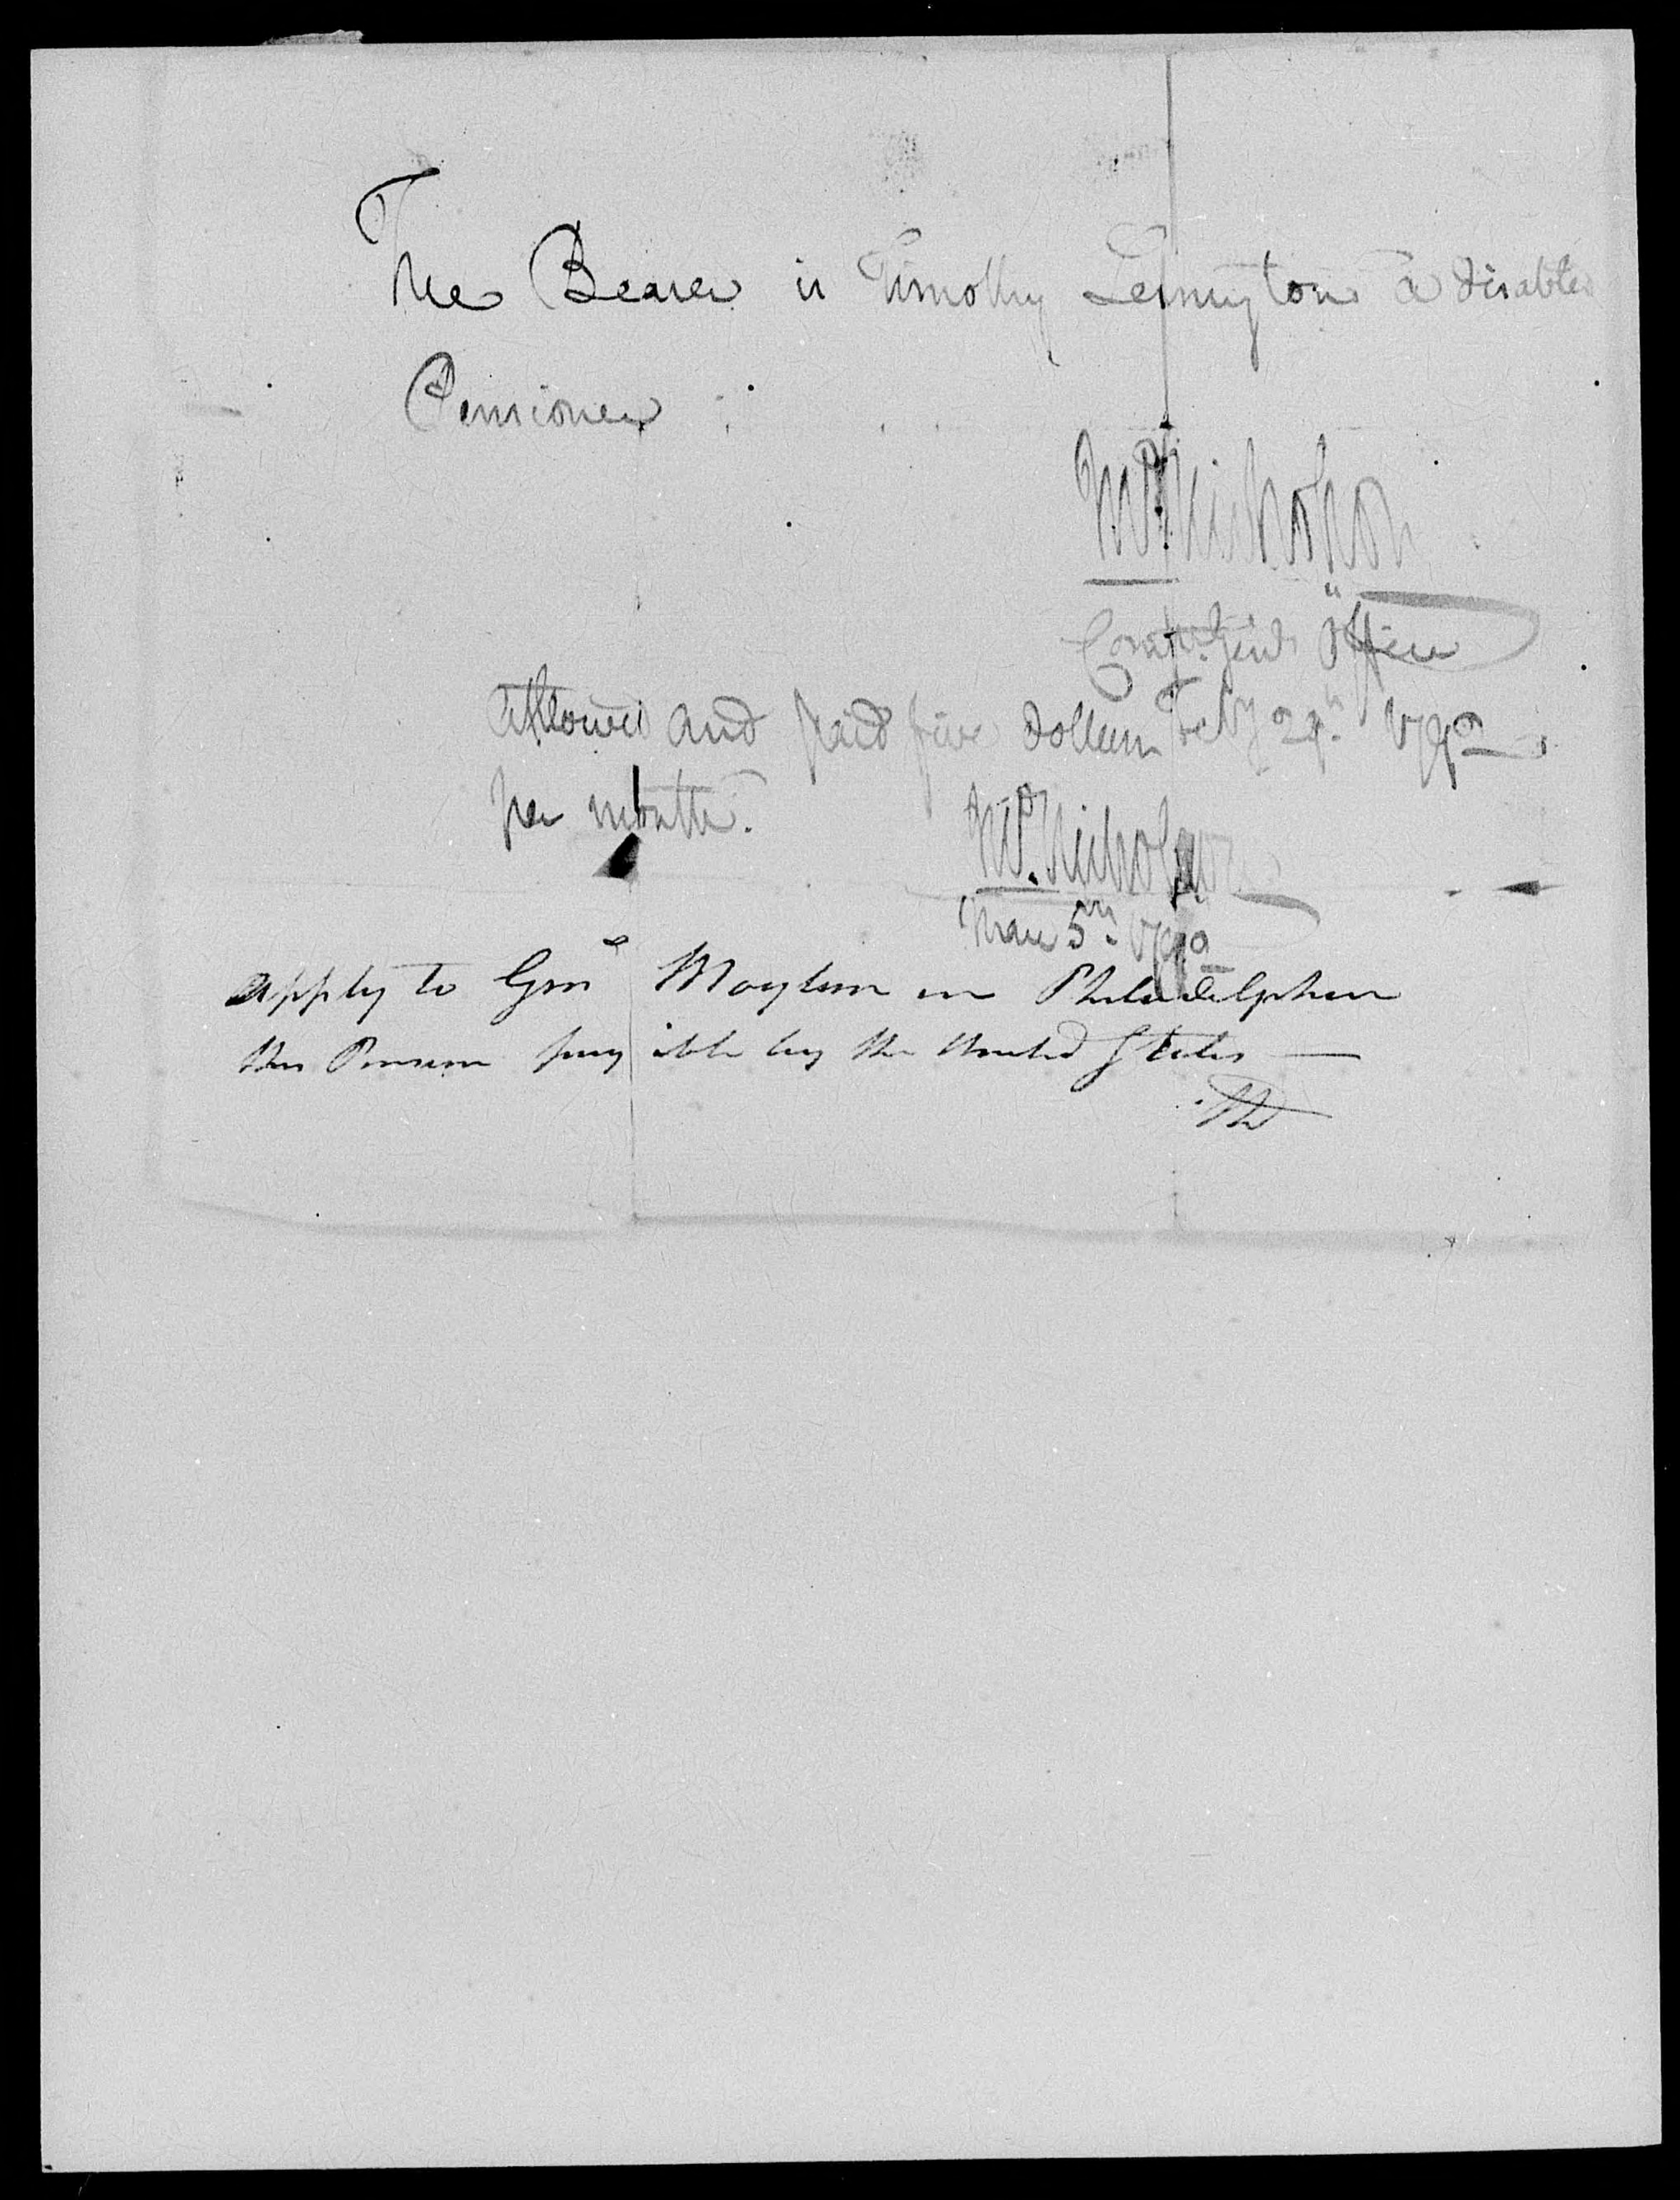The Bearer in Timothy Lemington  a  (..)ables.

               W. Nicholson
                County  Office 

Allowed and paid five dollars per month.

                  W. Nicholson
                  Nov. 5, 1790

Apply to (unintelligible) & Mayhew in Philadelphia this pension (..)ible by the United States.
                                                  J.W.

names: [BLANK] Nicholson; [BLANK] Mayhew; Timothy Lemington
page: 12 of 14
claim: survivor's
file: S. 9749, for Timothy Lennonton, Pennsylvania